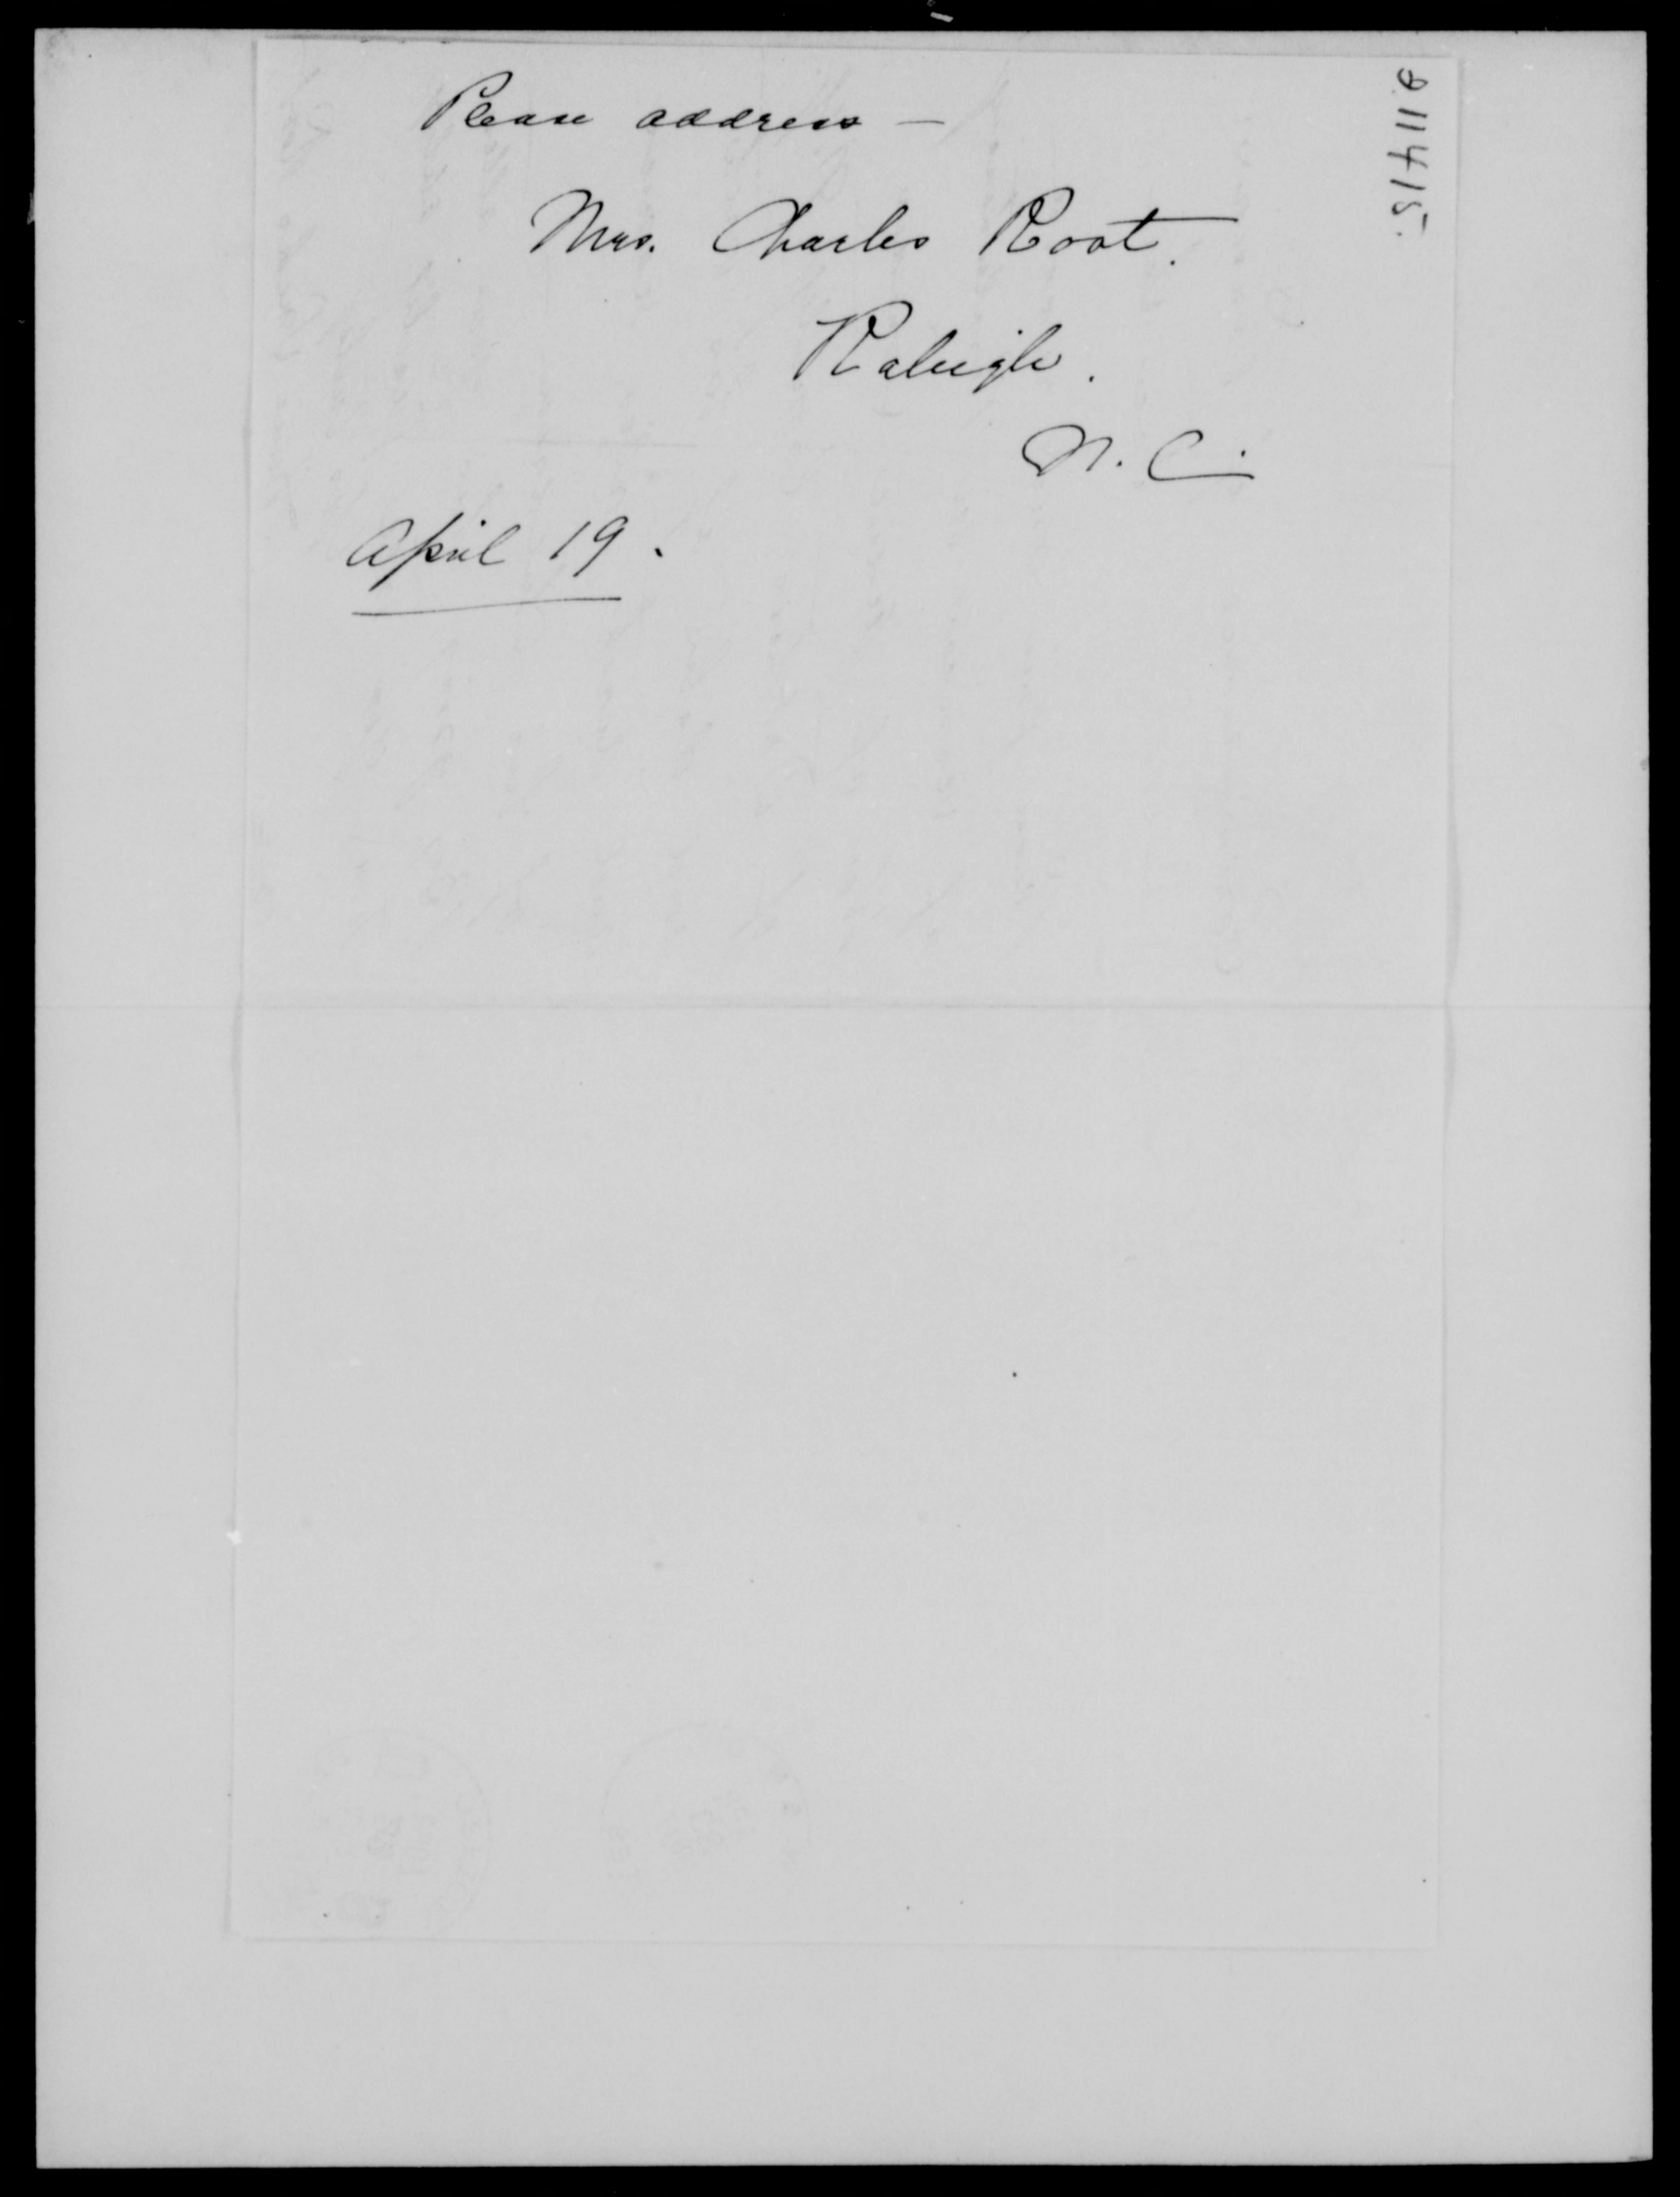211415

Please address--
Mrs. Charles Root
Raleigh, N.C.

April 19.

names: Charles Roat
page: 26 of 29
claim: survivor's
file: S. 11415, for Aldert Smedes, New York